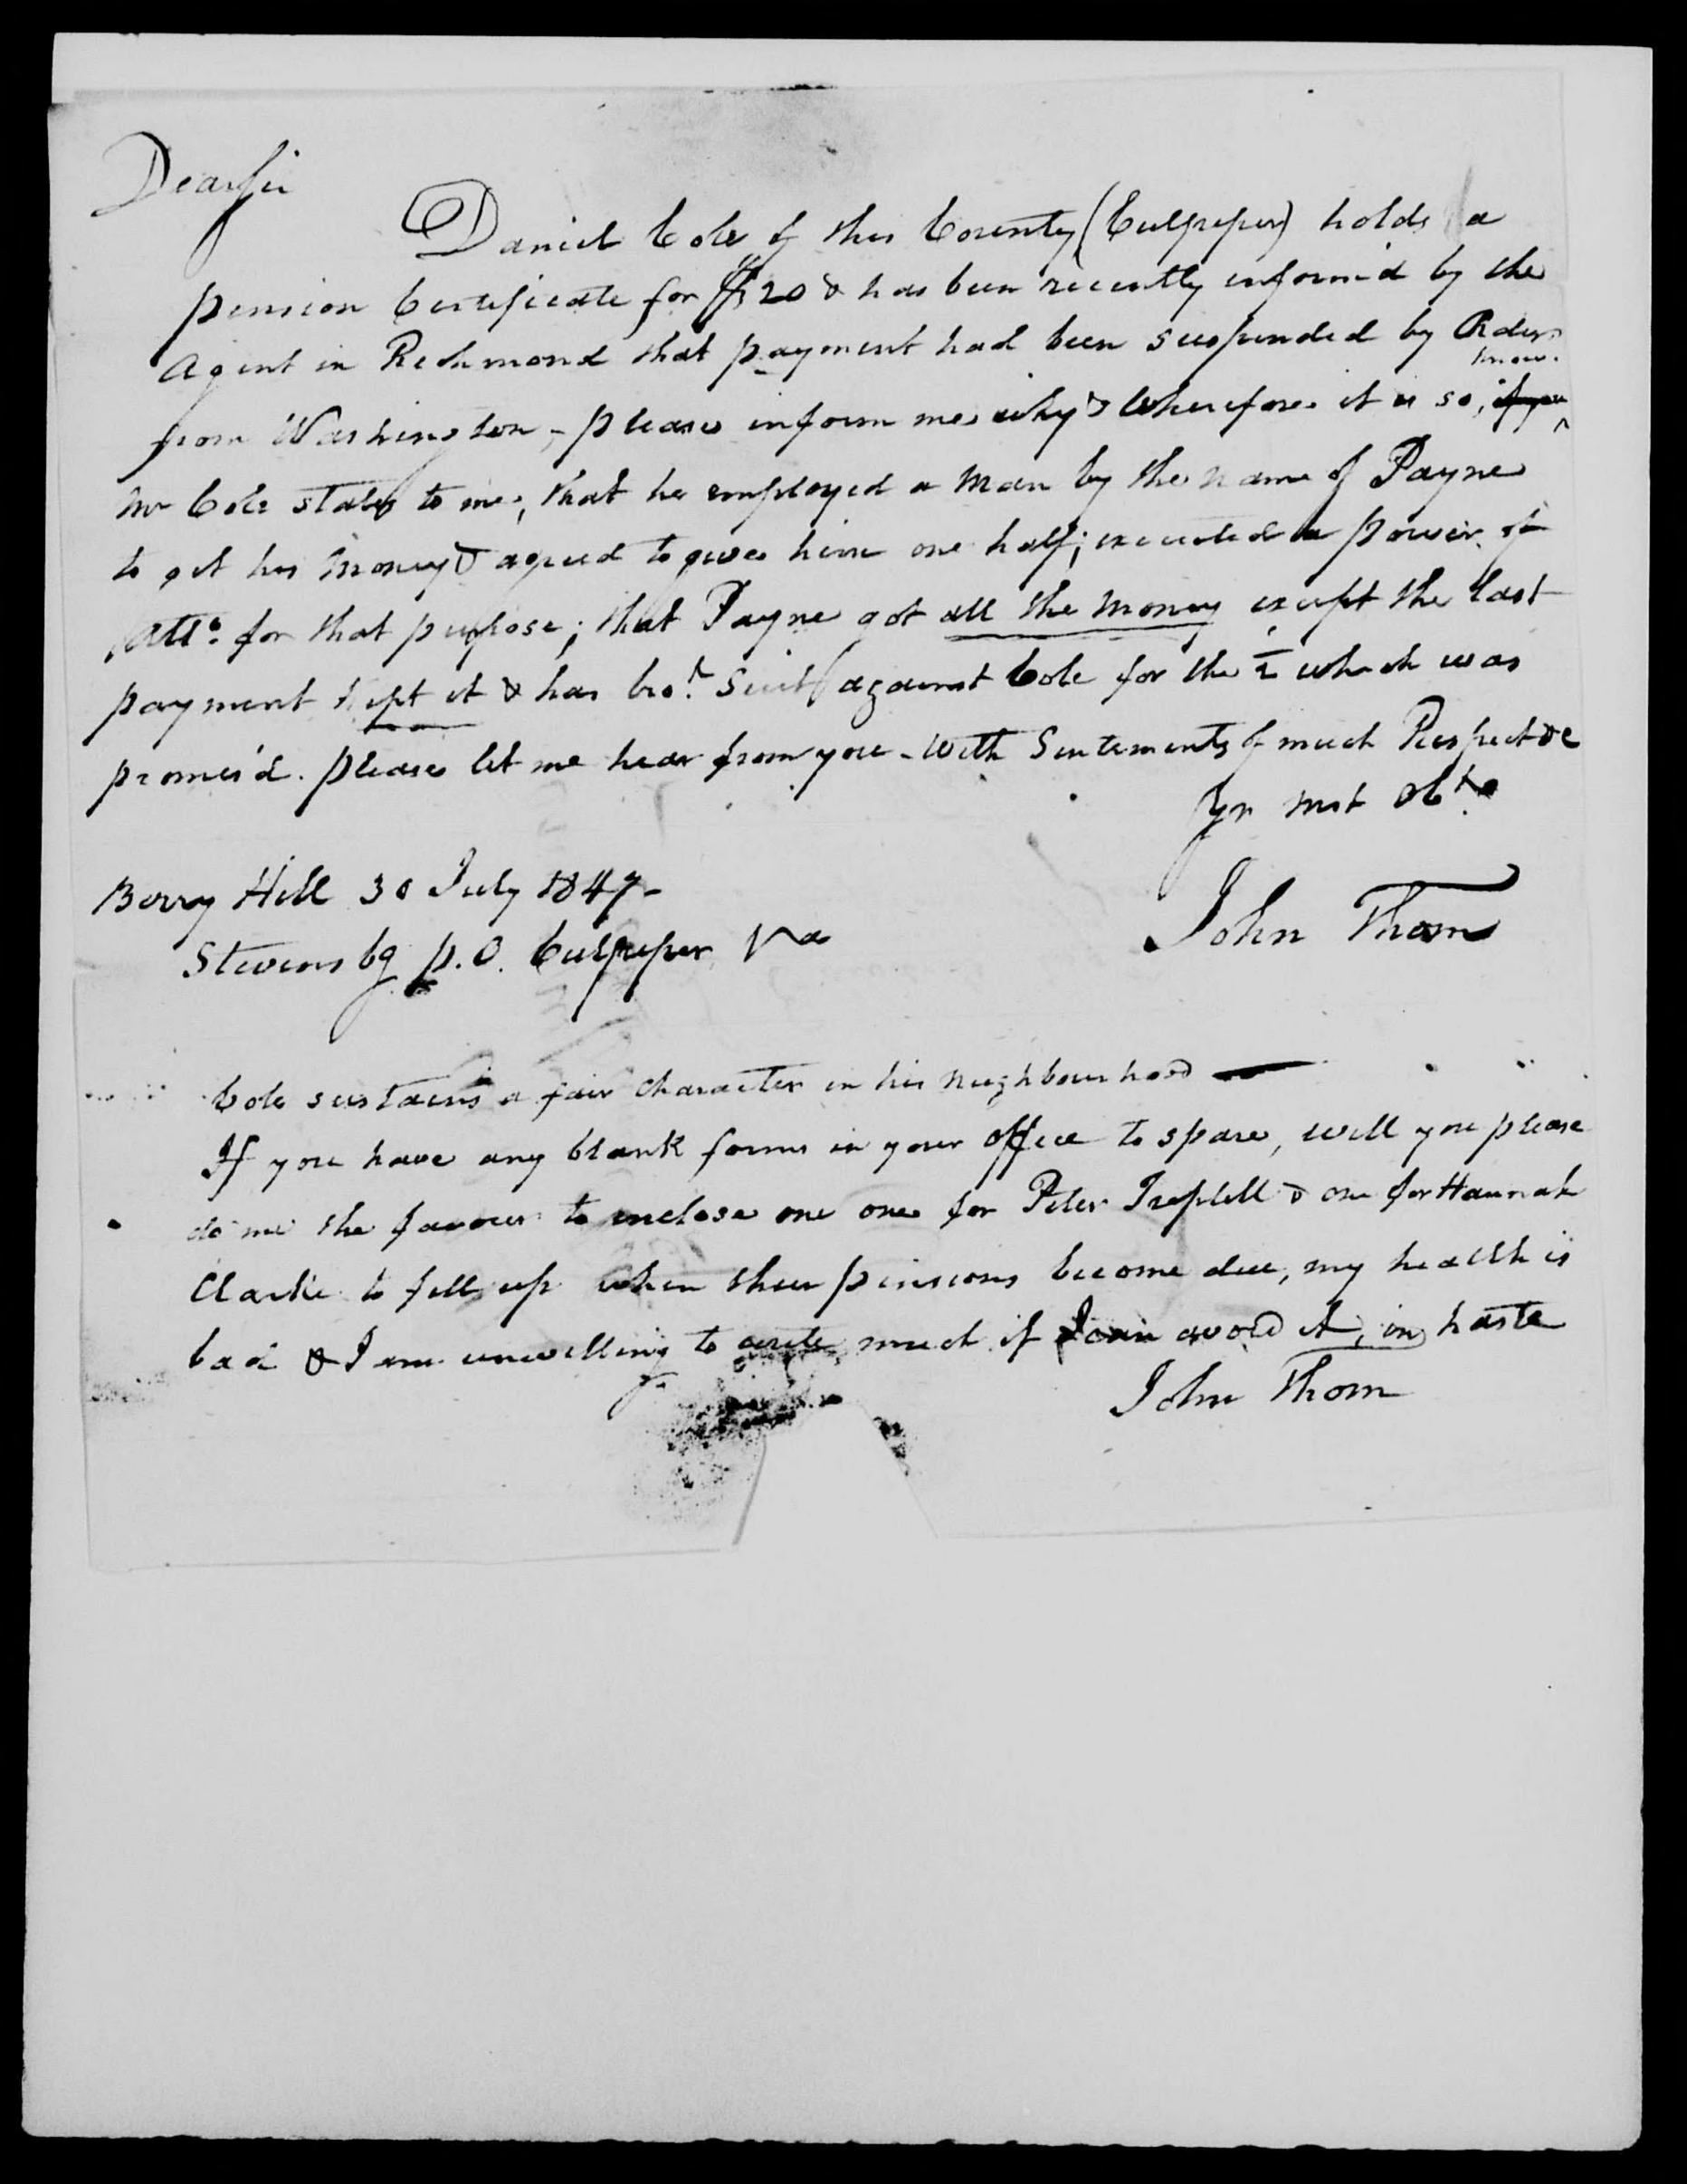Dear Sir
Daniel Cole of this County (Culpeper) holds a
pension certificate for $20 & has been recently informed by the agent in Richmond that payment had been suspended by order from Washington, please inform me why wherefore it is so. Mr Cole states to me, that he employed a man by the name of Payne to get this money agreed to give him one half, executed the power of Att [attorney] for that purpose, that Payne got all the money except the last payment kept it & has brought suit against Cole for the 1/2 which was promised. please let me hear from you, with sentiments of much Respect
Yr [Your] Oby [Obedient] Svt [Servant]
John Thom

Berry Hill 30 July 1847
Stevensbg [Stevensburg] P.O. Culpeper
Cole  sustains a fair character in his neighbourhood. If you have any blank forms in your office to spare, will you please do me the favour to enclose one one for Peter Triplett & one for Hannah Clark to fill up when their pensions become  due, my health is bad & I am unwilling to write much, if I can avoid it. in haste
John Thom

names: Daniel Cole, Cole, Cole, Payne, Hannah Clark, Payne, Clark, Cole, Peter Triplett, Stevens, John Thom, John Thom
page: 31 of 61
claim: survivor's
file: S. 8236, Daniel Cole, Va.